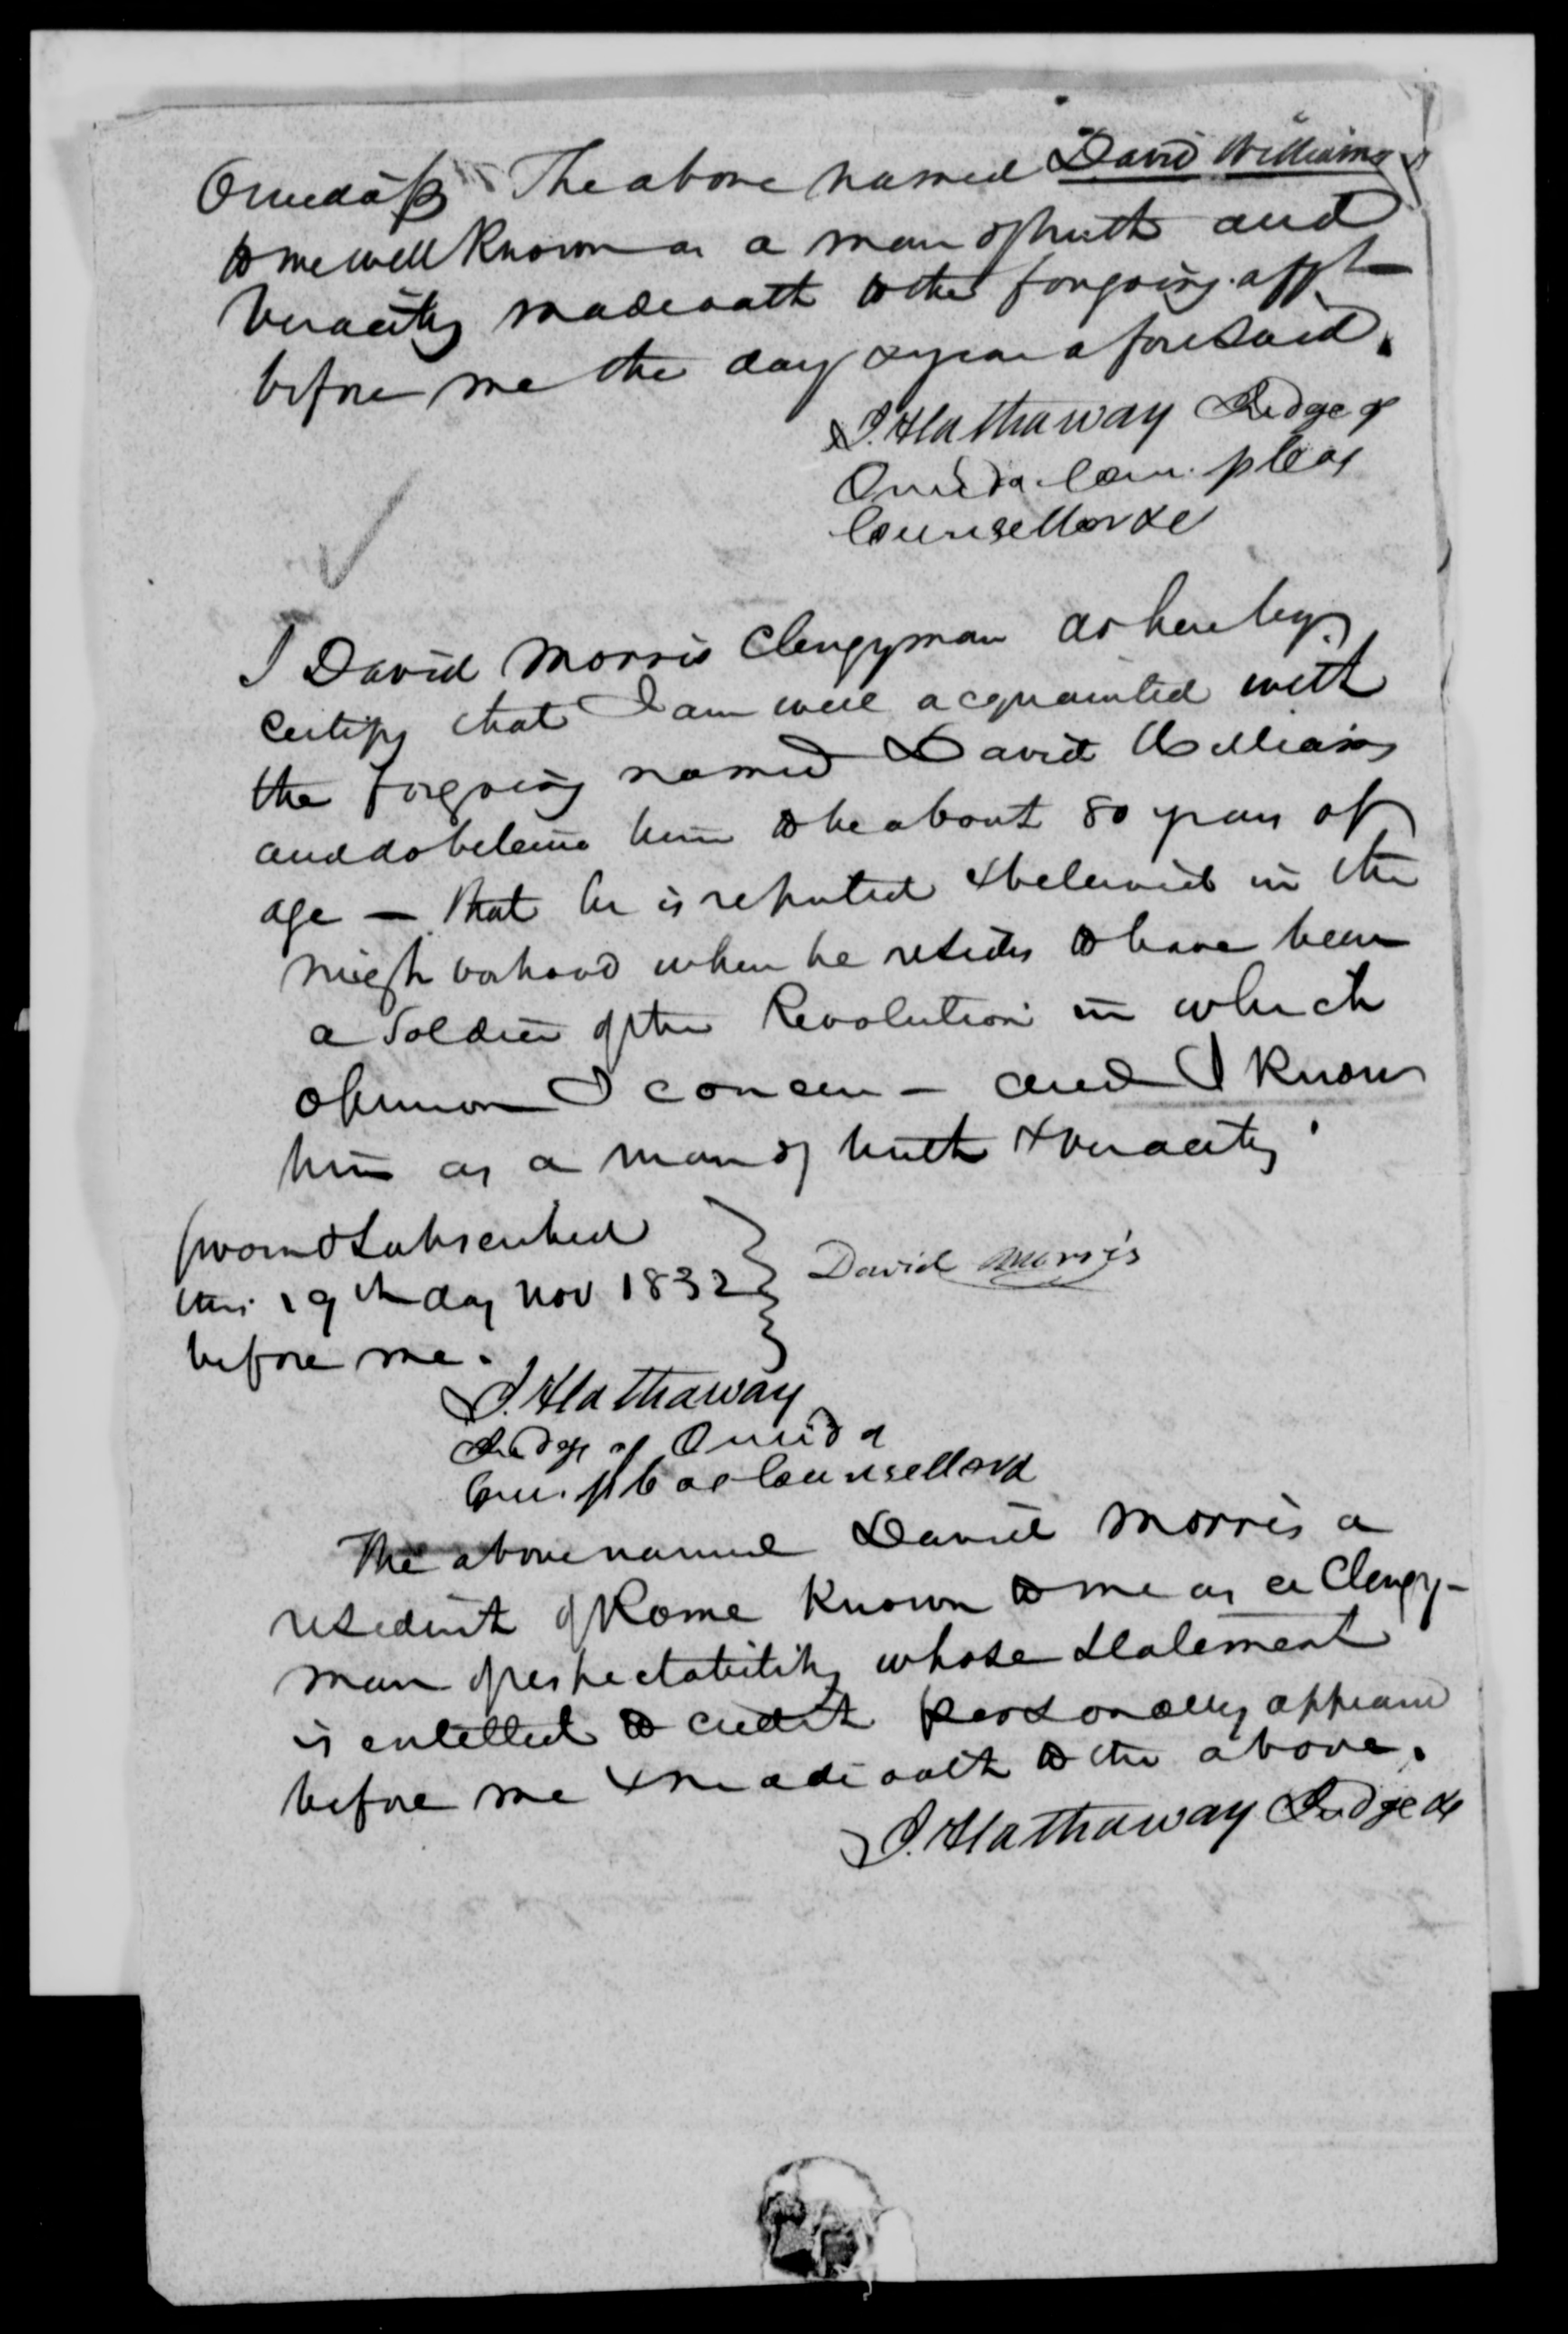Oneita s. The above named David Williams to me well known a man of truth and veracity made oath to the foregoing afft. before me the day & year aforesaid.
J. Hathaway Judge of Oneida Court pleas Counsellor &c

I David Morris Clergyman do hereby certify that I am well acquainted with the foregoing named David Williams and do believe him to be about 80 years of age, that he is reputed & believed in the neighborhood where he resides to have been a soldier of the Revolution in which (illegible) I concur and I know him as a man of truth & veracity.  David Morris
Sworn & Subscribed this 19th day Nov 1832 before me.  J Hathaway Judge of Oneida of Court of (illegible)

The above named David Morris a resident of Rome known to me as a Clergyman of respectability whose statement is entitled to credit personally affirms before me made oath to the above.  J. Hathaway Judge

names: David Williams, David Morris, J Hlathaway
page: 12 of 63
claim: widow's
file: W. 22,632, David Williams, Conn. Continental Privateer